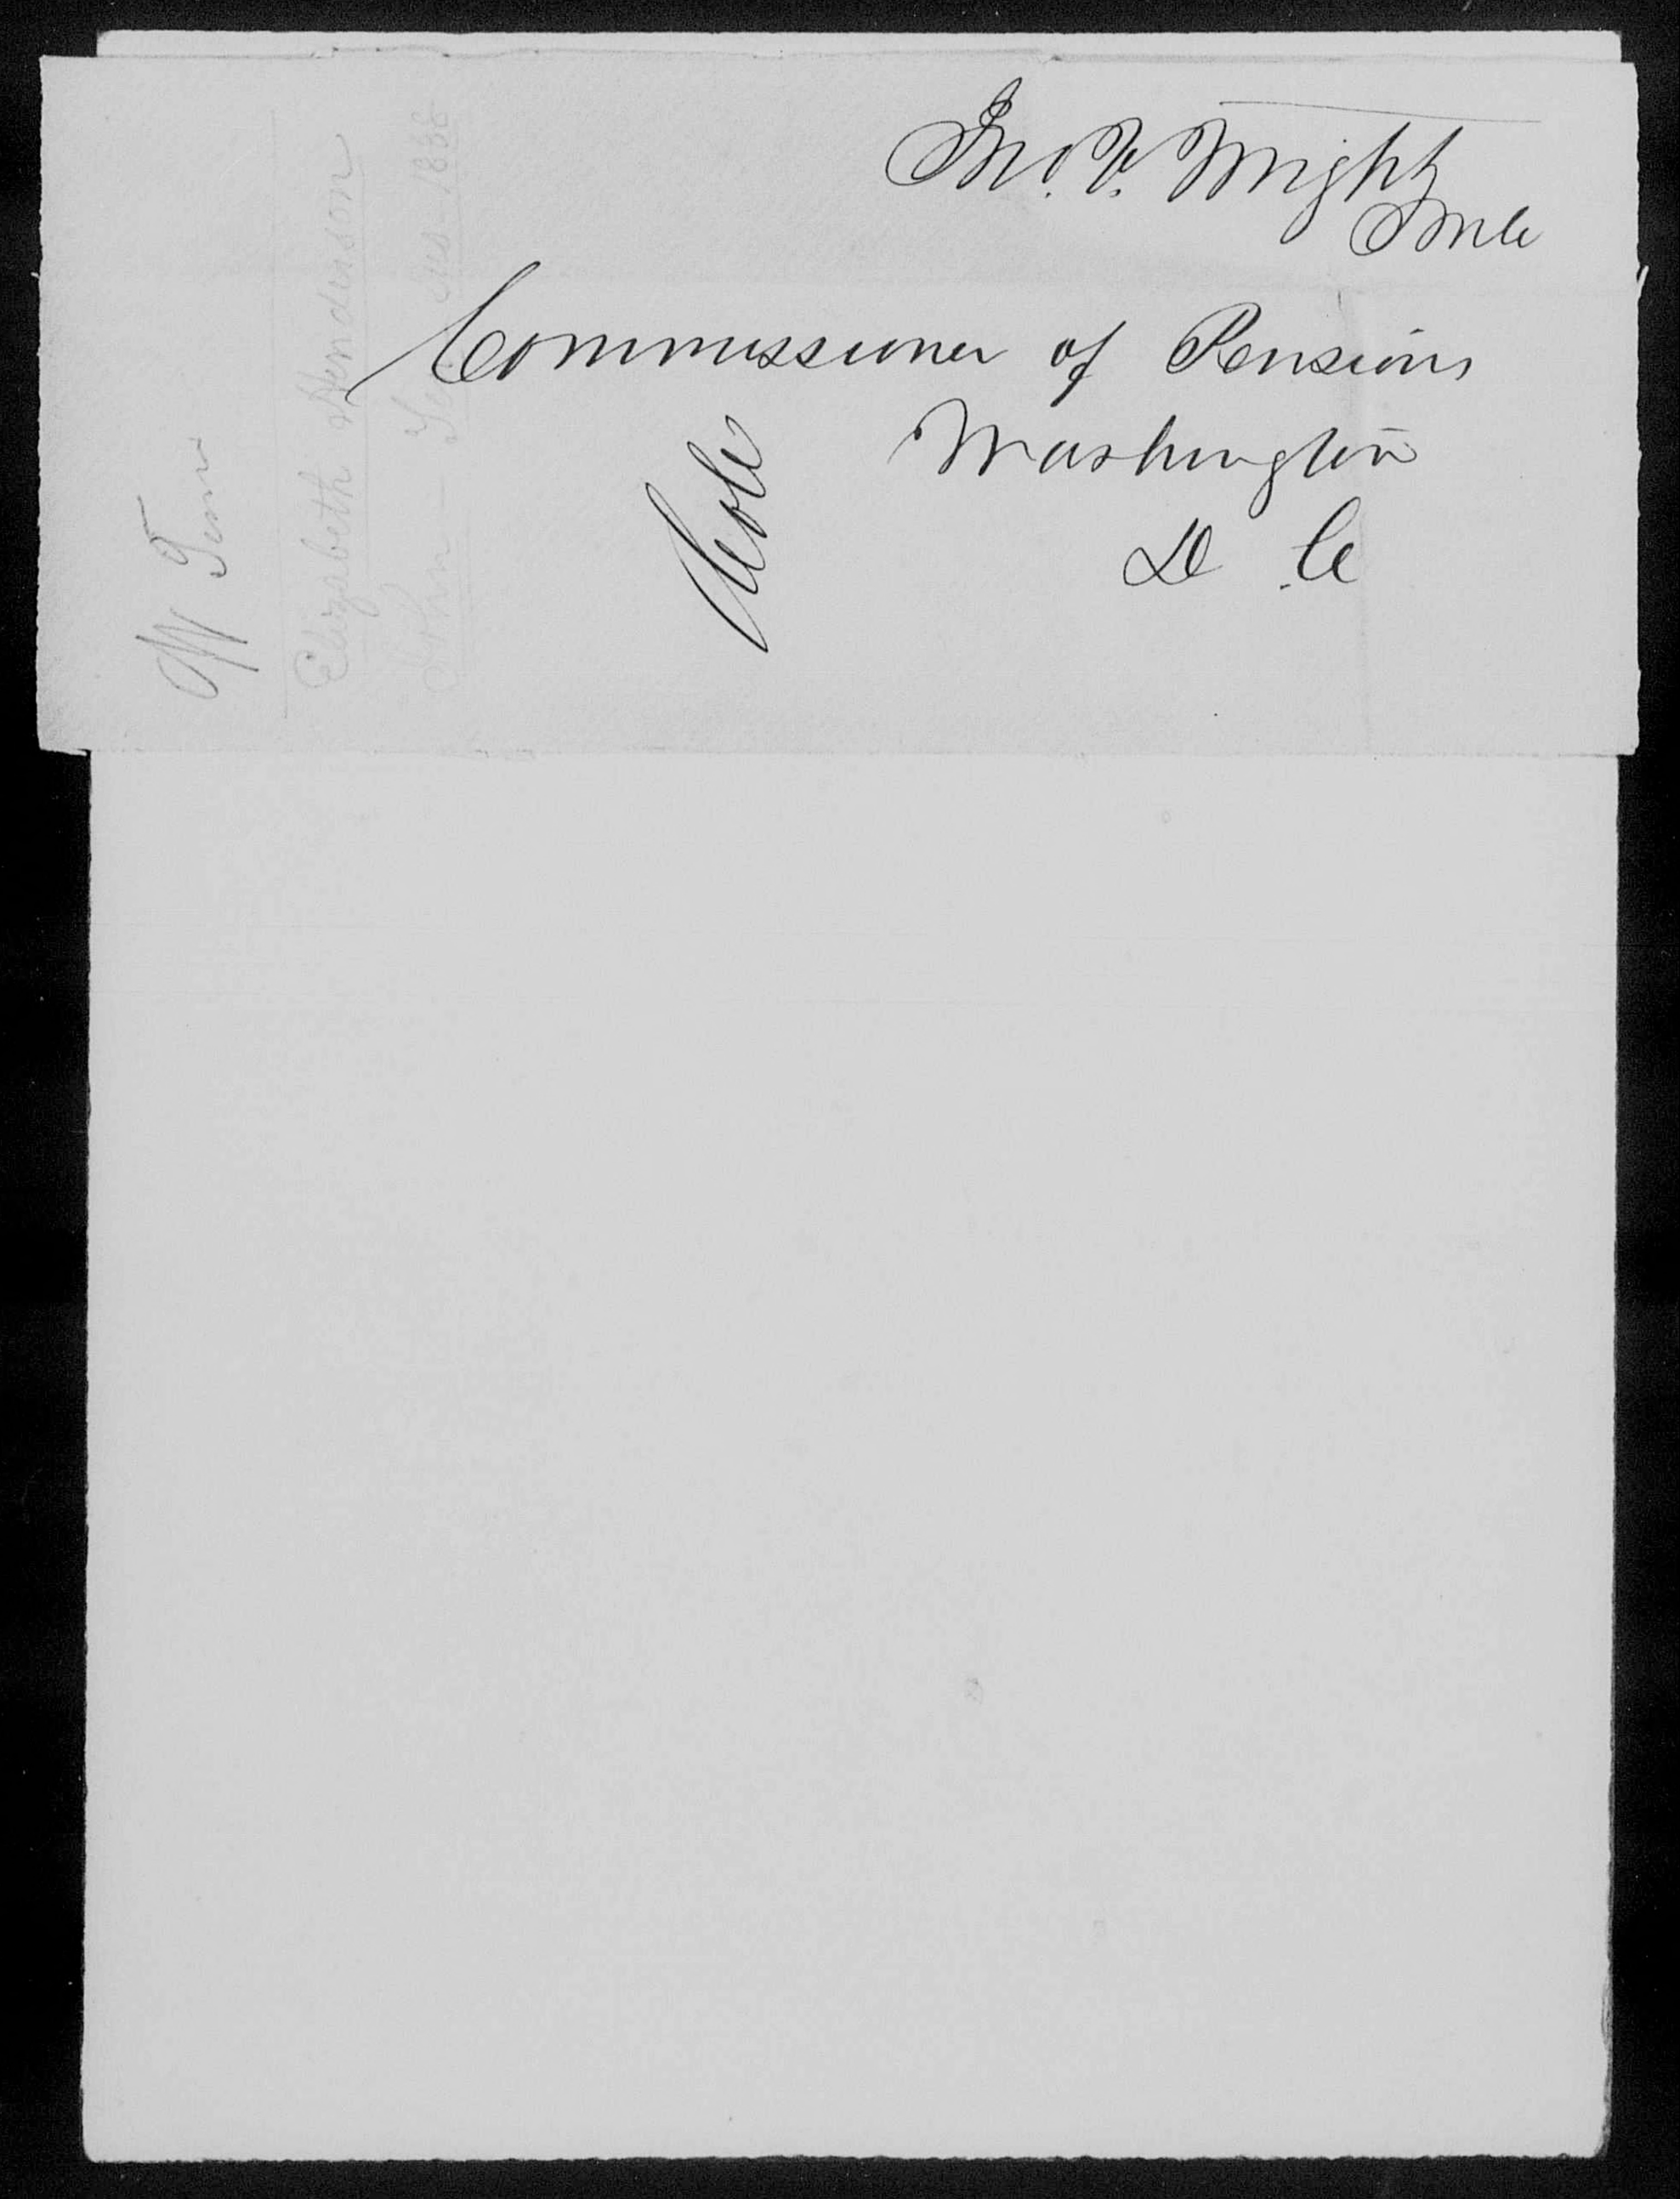Jno. V. Wright [illegible]
Commissioner of Pensions
Washington
D C


W Tenn
________________________
Elizabeth Henderson
________________________
John Tenn Sus - 1838
________________________
[illegible]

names: Elizabeth Henderson, Jno V Wright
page: 19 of 40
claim: rejected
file: R. 4,869, John Henderson, S.C.